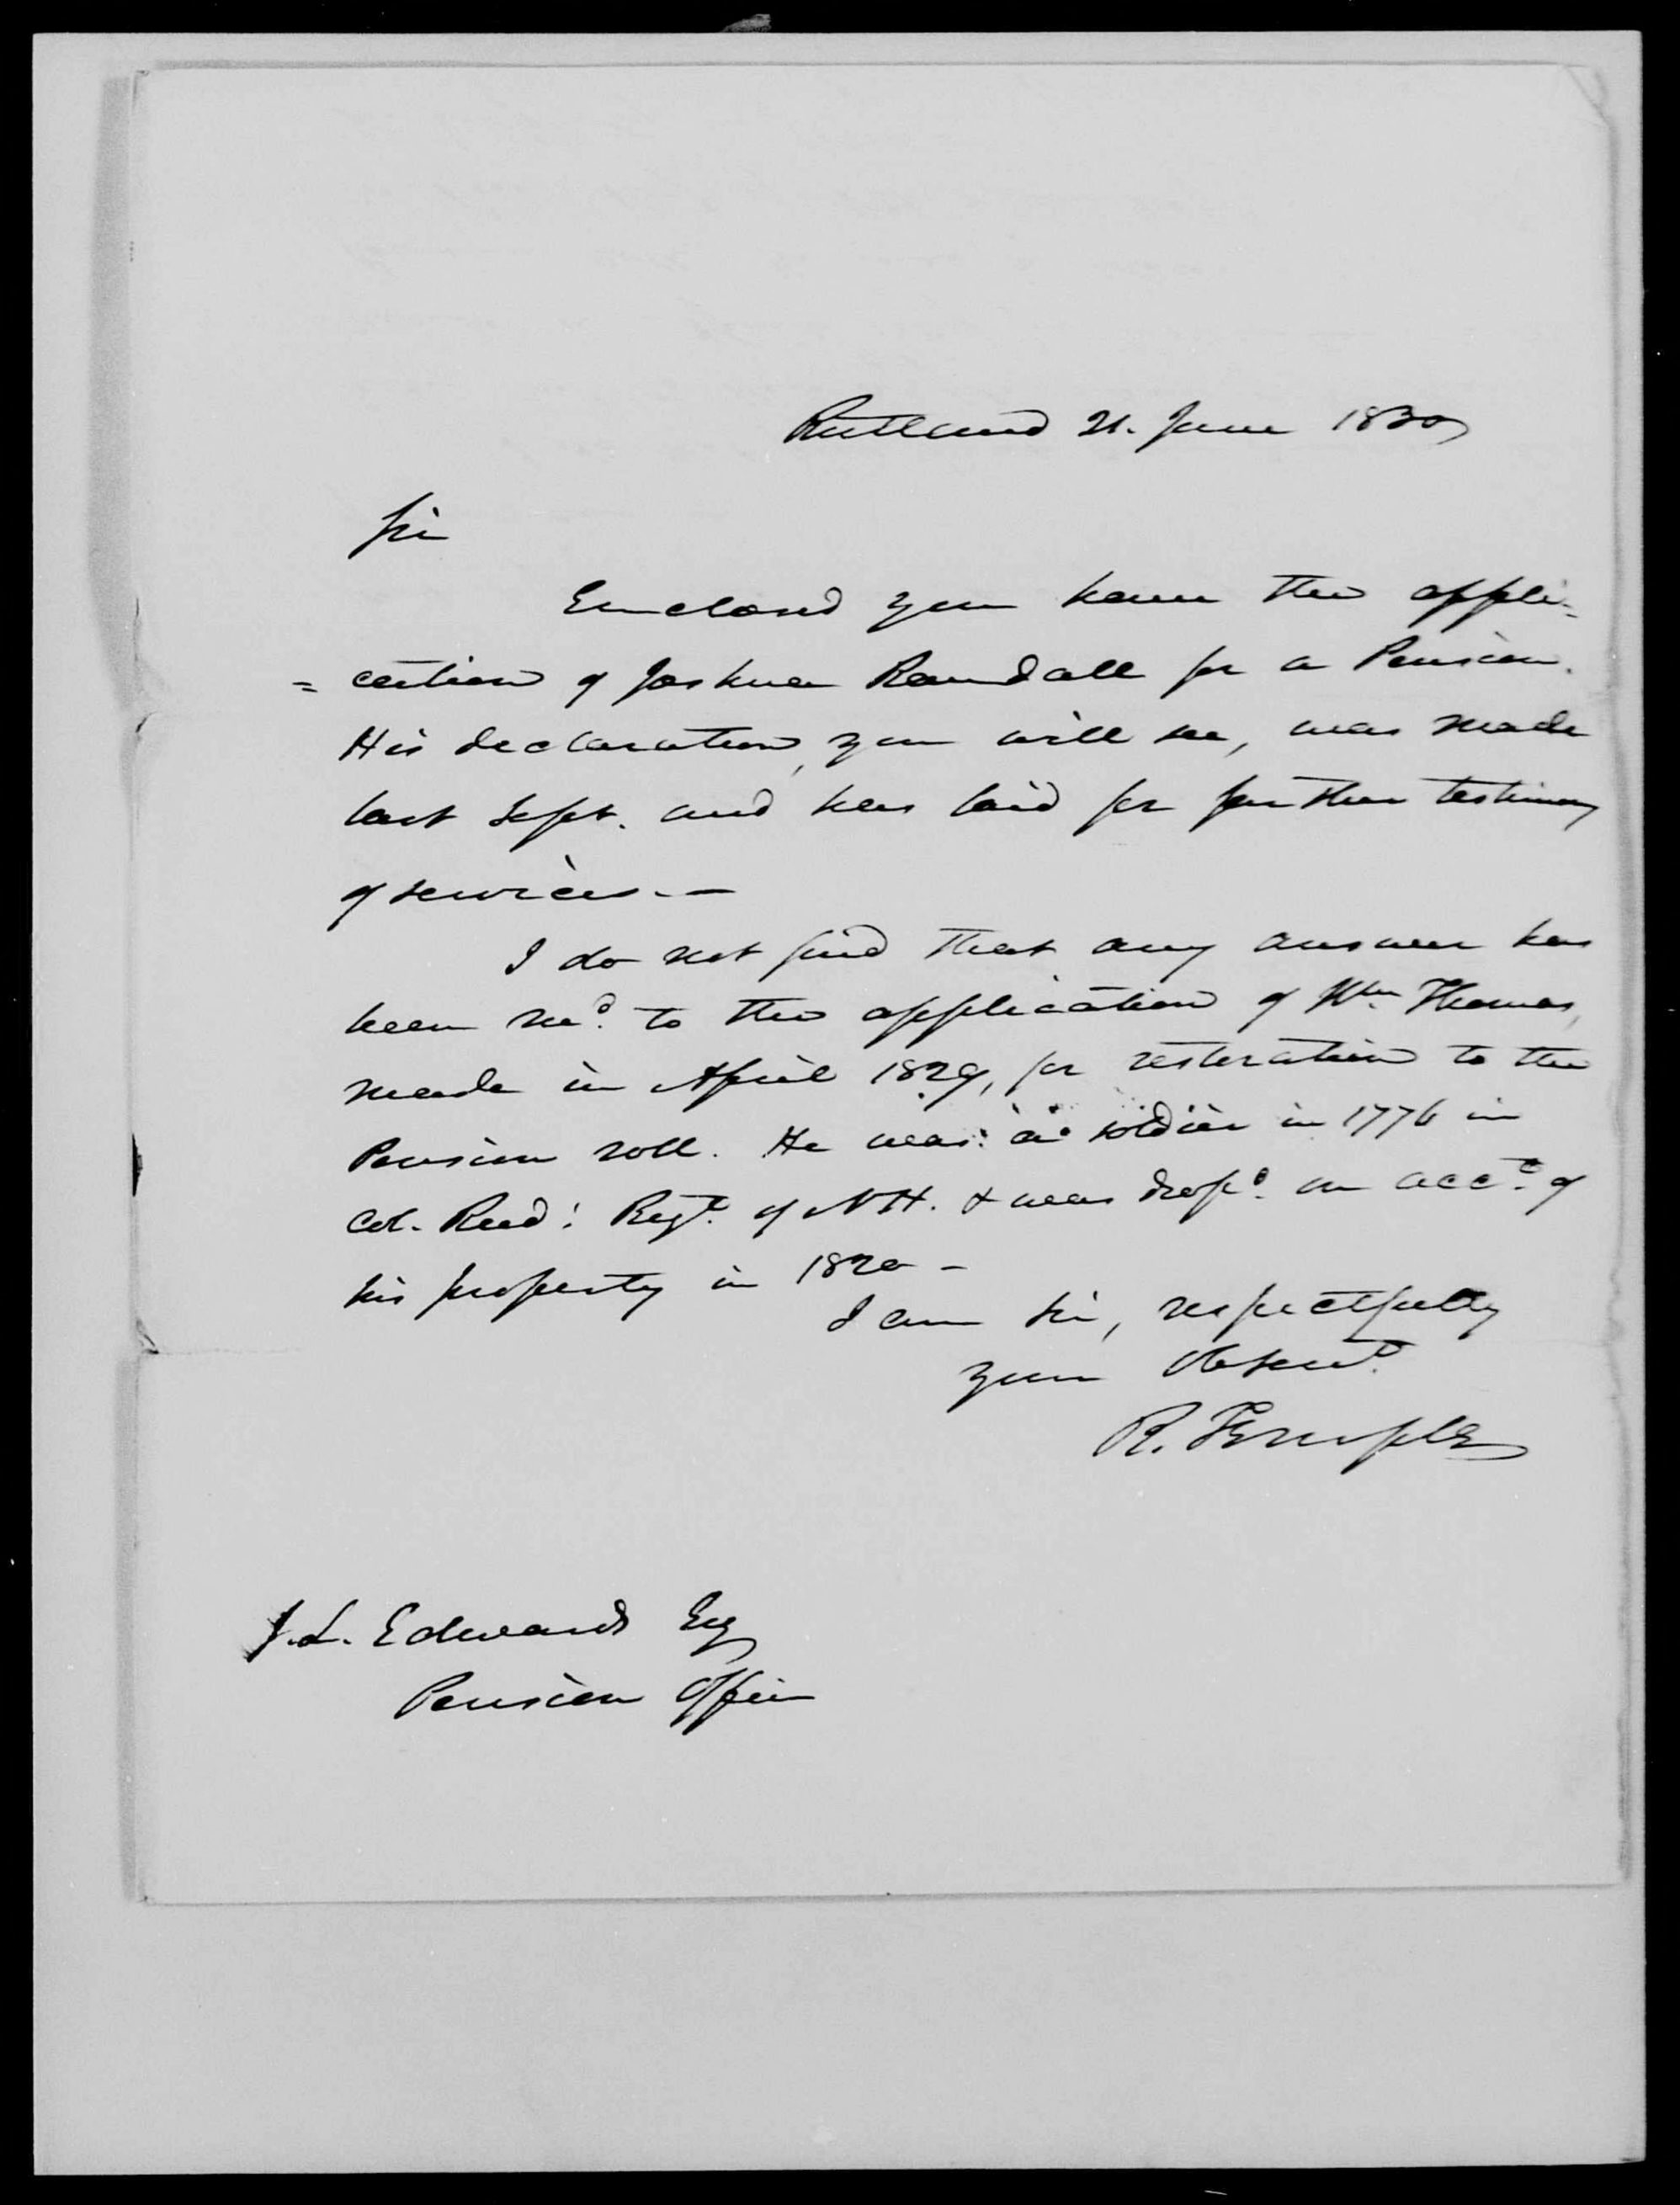Rutland 21 June 1830
Sir

Enclosed you have the application
 of Joshua Randall for a Pension.
His declaration, you will see, was made
last Sept. and has laid for further testimony
 of services.
I do not find that any answer has
been rec’d to the application of Wm Thomas
made in April 1829, for restoration to the
Pension roll. He was a soldier in 1776 in
Col. Reed’s  Regt of N. H. & was drop’d  on acct of
his property in 1820.
I am sir,  respectfully
Your Obed’t Srvn’t
R. Temple

J.L. Edward Esq
Pension Office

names: J L Edwards; Wm Thomas; R Temple; Joshua Randall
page: 9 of 20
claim: survivor's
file: S. 41,090, for Joshua Randall, Massachusetts